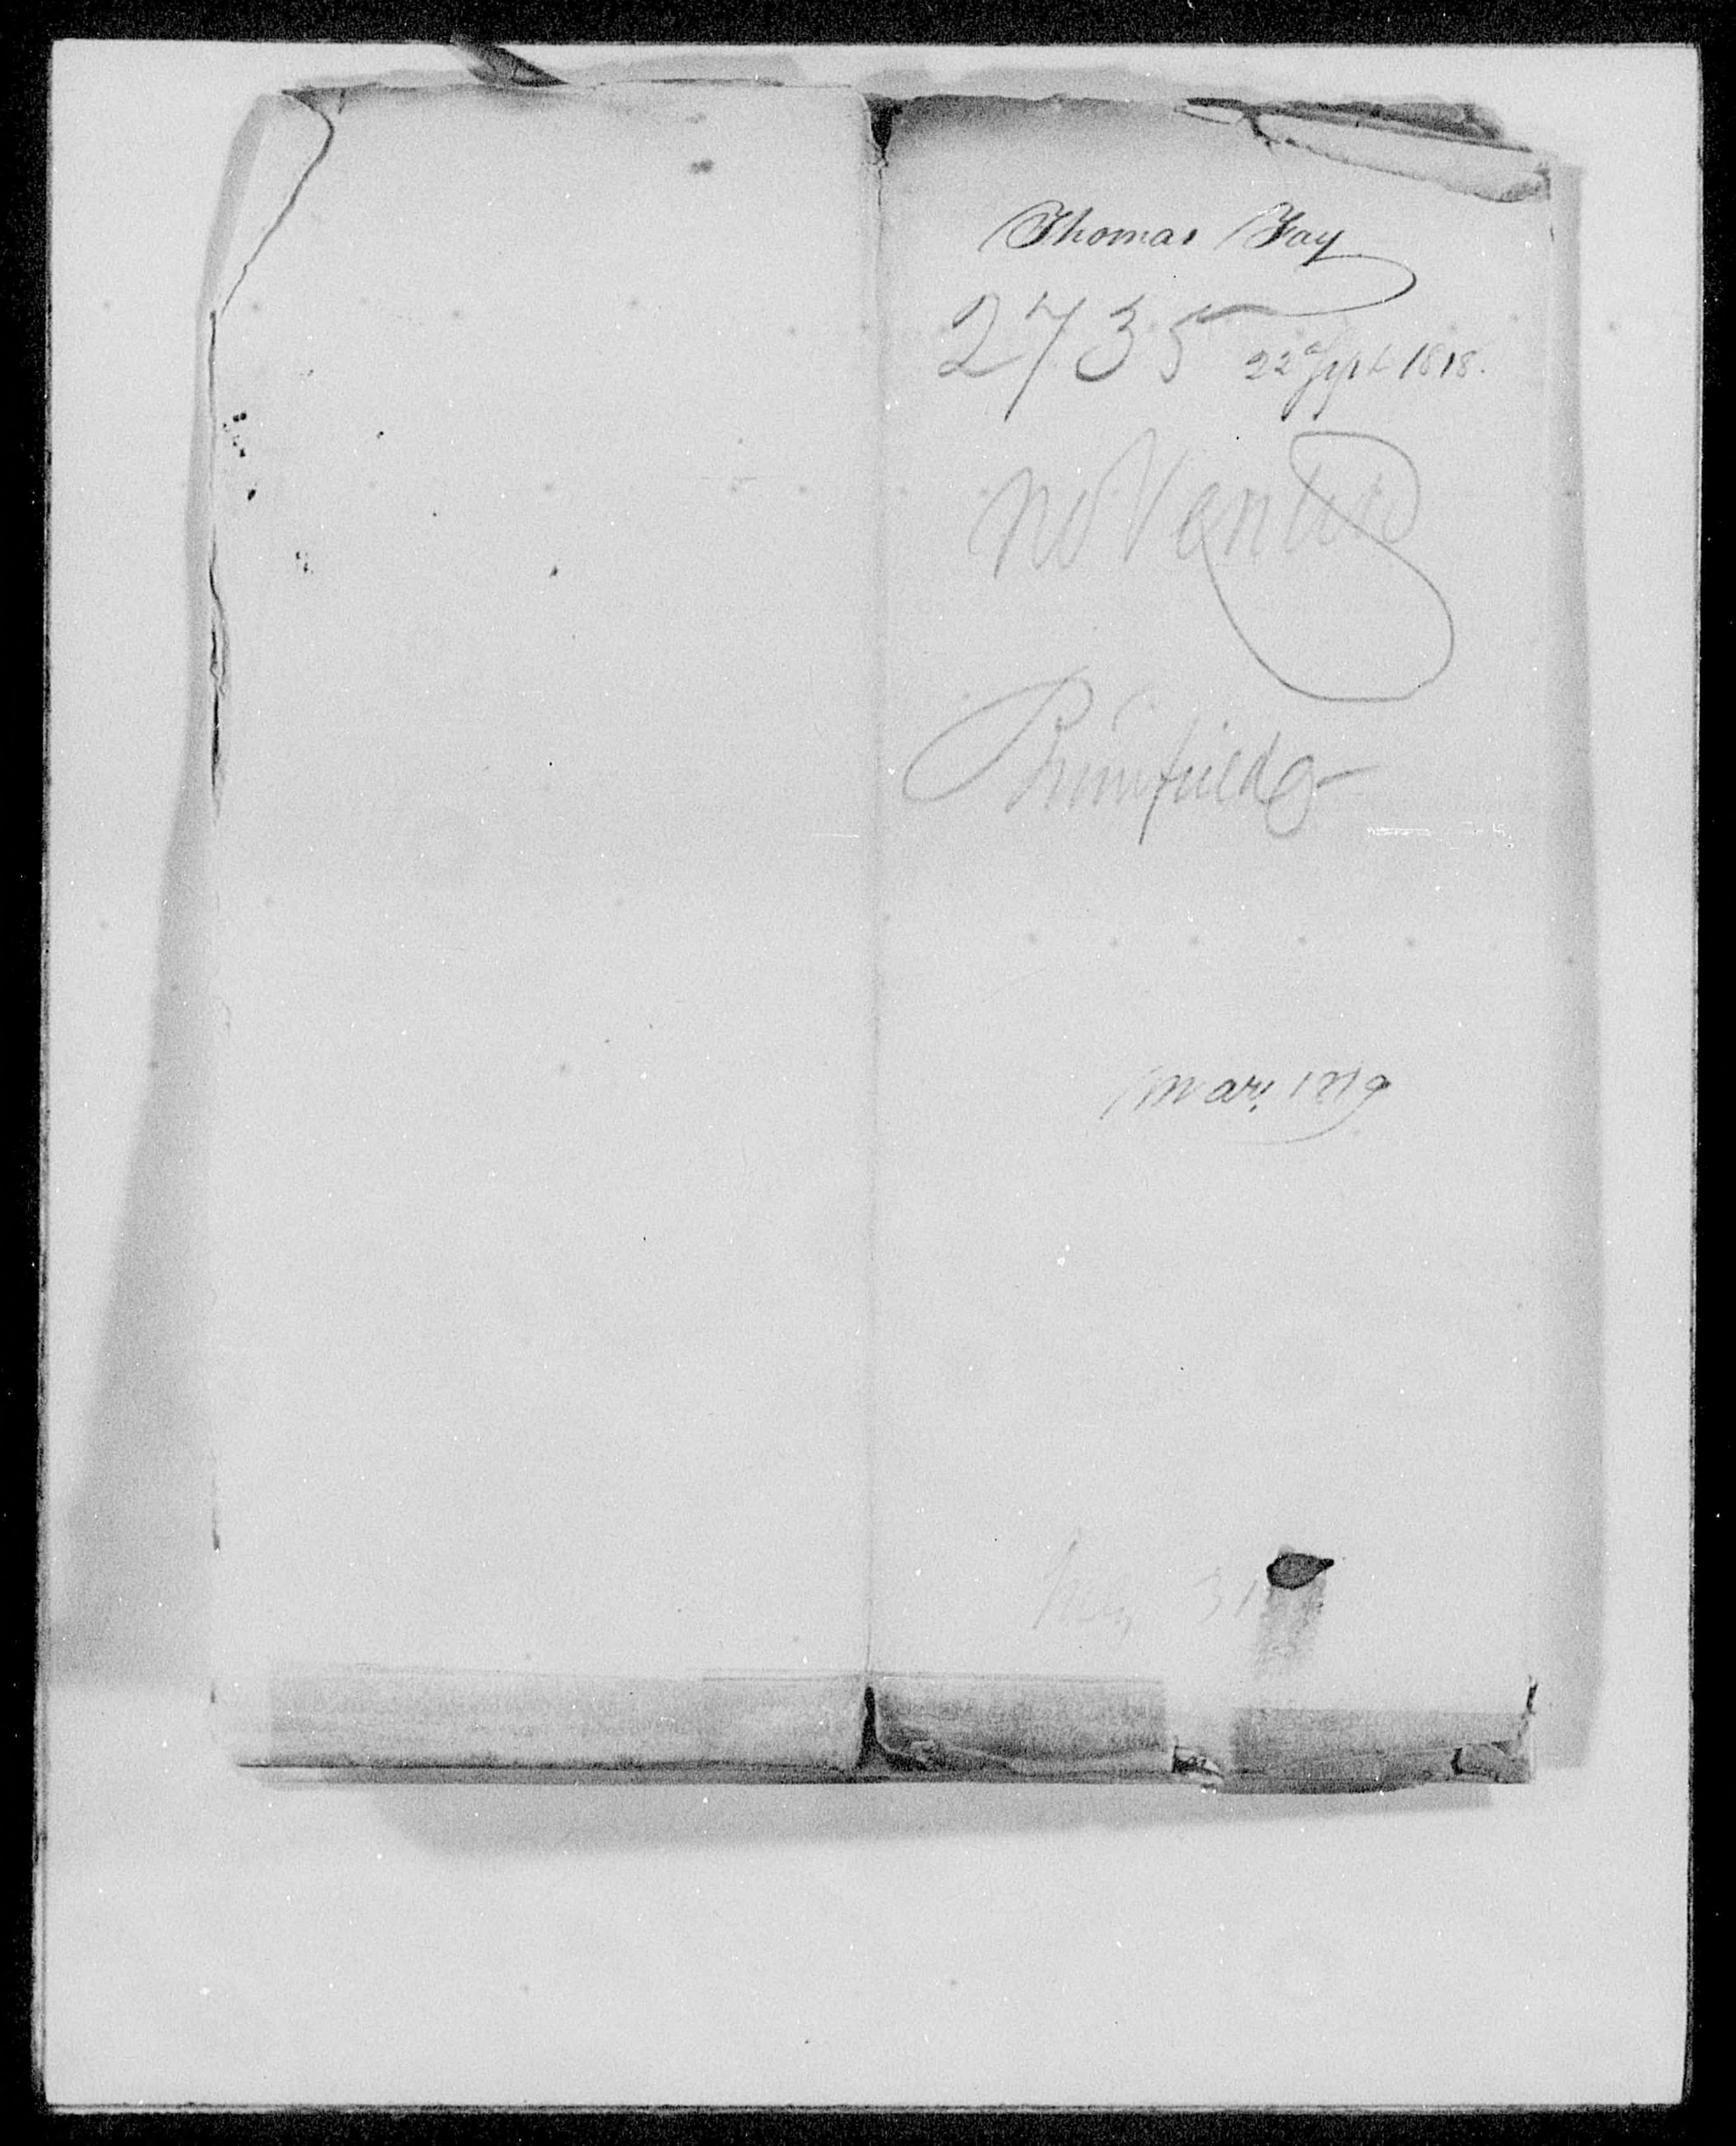Thomas Fay
2735
22 Sept 1818
Noven
Renfield
Mar. 1879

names: Thomas Fay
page: 10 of 31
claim: survivor's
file: S. 34,839, Thomas Fay, Mass.